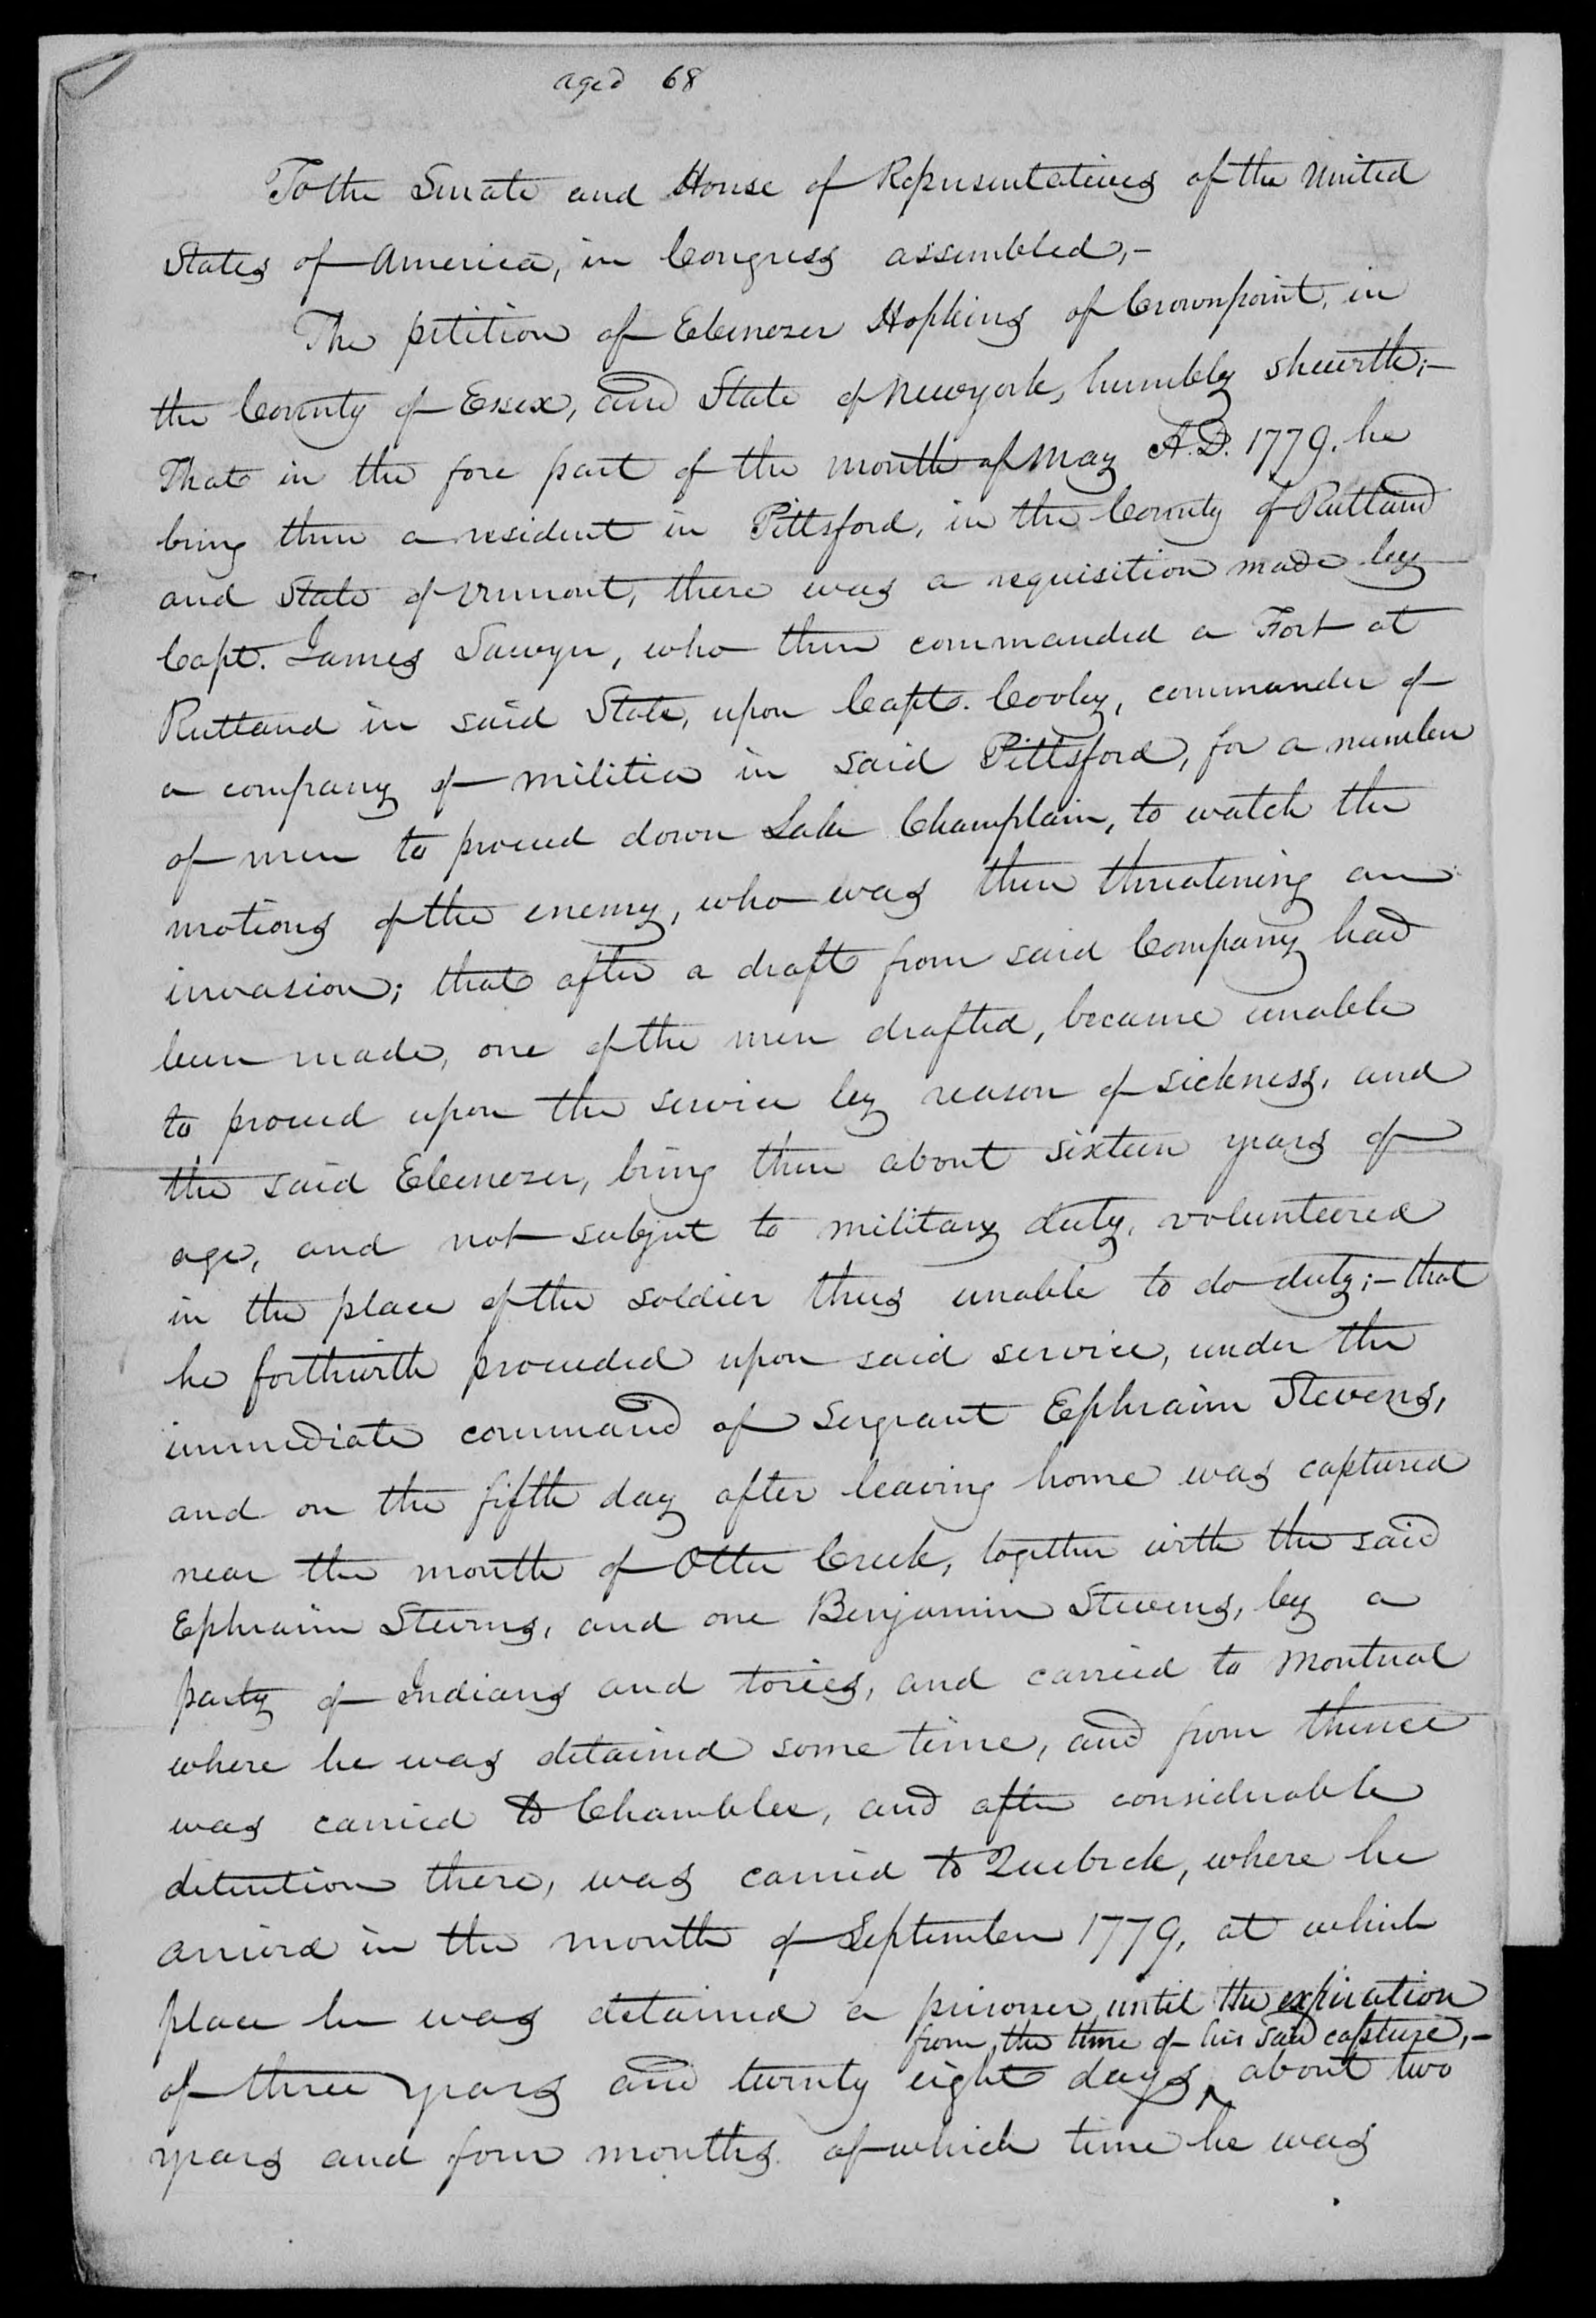aged 68

To the Senate and House of Representatives of the United States of America
in Congress assembled,_
The petition of Ebenezer Hopkins of Crownpoint in the County of Essex, and State of Newyork, humbly sheweth;_ That in the fore part of the month of May A.D. 1779 he being then a resident in Pittsford, in the County of Rutland and State of Vermont, there was a requisition made by Capt. James Sawyer, who then commanded a Fort at Rutland in said State, upon Capt. Cooley, commander of a company of militia in said Pittsford, for a number of men to proceed down Lake Champlain, to watch the motions of the enemy, who was there threatening an invasion; that after a draft from said Company had been made, one of the men drafted, became unable to proceed upon the service by reason of sickness, and the said Elenezer, being there about sixteen years of age, and not subject to military duty, volunteered in the place of the soldier thus unable to do duty; that he forthwith proceeded upon said service, under the immediate command of Sergeant Ephraim Stevens, and on the fifth day after leaving home was captured near the mouth of Otter Creek, together with the said Ephraim Stevens, and one Benjamin Stevens, by a party of Indians and tories, and carried to Montreal where he was detained some time, and from thence was carried to Chambles, and after considerable detention there, was carried to Quebeck, where he arrived in the month of September 1779. at which place he was detained a prisoner until the expiration of three years and twenty eight days from the time of his said capture, about two years and four months of which time he was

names: Ephraim Stevens, James Sawyer, Ebenezer Hopkins, Benjamin Stevens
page: 125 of 144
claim: rejected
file: R. 5208, Dennis Hopkins, N.C.